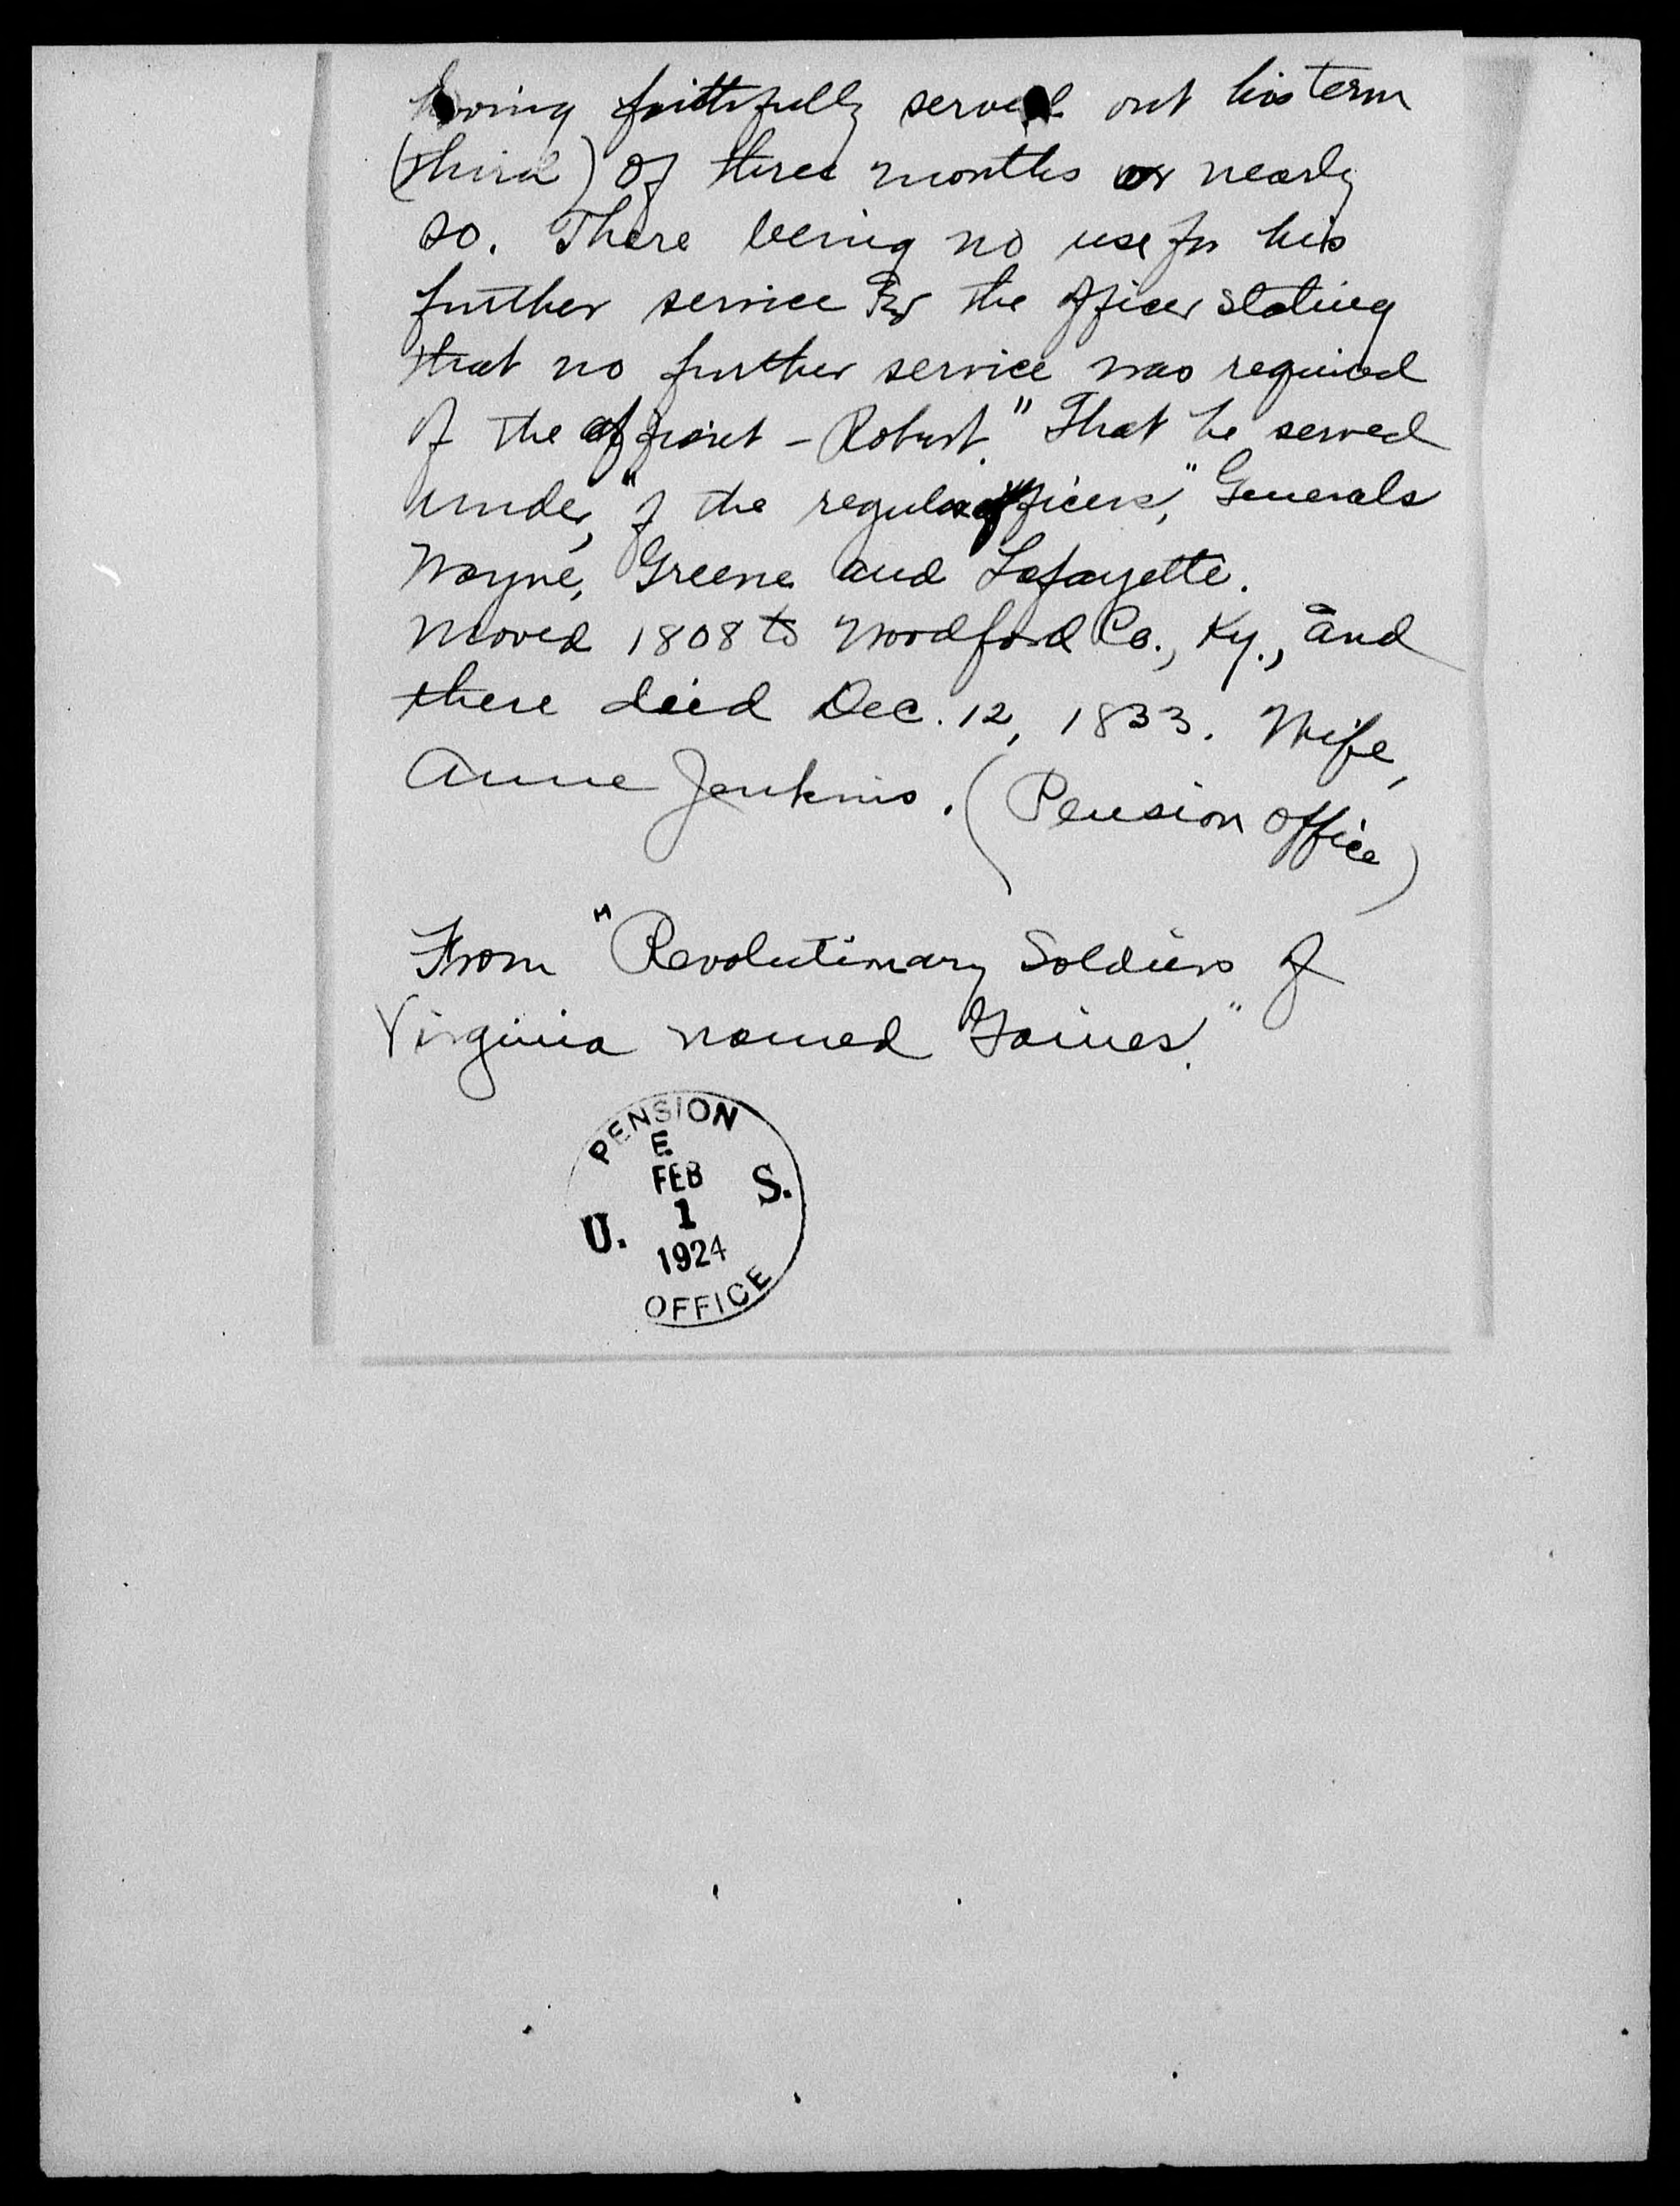having faithfully served out his term
(third) of three months or nearly
so. There being no use for his
further service and the office stating
that no further service was required
of the affiant-Robert." That he served
under, of the regular officers, "Generals
Wayne, Greene and Lafayette.
moved 1808 to Woodford Co., Ky., and
there died Dec. 12, 1833. Wife,
Anne Jenkins. (Pension Office)
From "Revolutionary soldiers of
Virginia named Gaines."

U. S. PENSION OFFICE
E
FEB
1
1924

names: Gaines, Greene, Robert, Anne Jenkins, La Fayette, Wayne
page: 53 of 79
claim: rejected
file: R. 3863, Robert Gaines, Va.